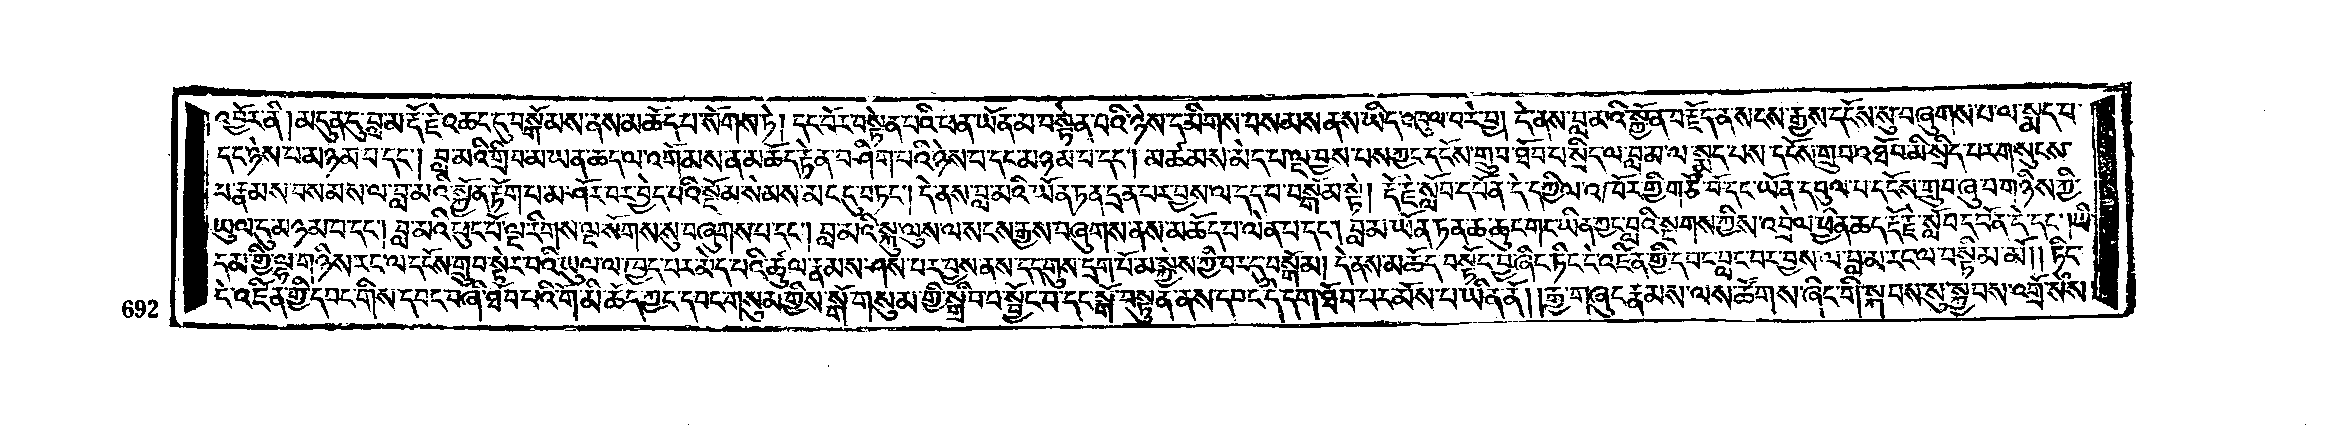འབྱོར་ནི། མདུན་དུ་བླ་མ་རྡོ་རྗེ་འཆང་དུ་བསྒོམས་ནས་མཆོད་པ་སོགས་ཏེ། དང་པོར་བསྟེན་པའི་ཕན་ཡོན་མ་བསྟེན་པའི་ཉེས་དམིགས་བསམས་ནས་ཡིད་འཁུལ་བ་རེ་བྱ། དེ་ནས་བླ་མའི་སྐྱོན་བརྗོད་ན་སངས་རྒྱས་དངོས་སུ་བཞུགས་པ་ལ་སྨད་པ་
དང་ཉེས་པ་མཉམ་པ་དང་། བླ་མའི་གྲིབ་མ་ཡན་ཆད་ལ་འགོམས་ན་མཆོད་རྟེན་བཤིག་པའི་ཉེས་པ་དང་མཉམ་པ་དང་། མཚམས་མེད་པ་ལྔ་བྱས་པས་ཀྱང་དངོས་གྲུབ་ཐོབ་པ་སྲིད་ལ་བླ་མ་ལ་སྨད་པས་དངོས་གྲུབ་འཐོབ་མི་སྲིད་པར་གསུངས་
པ་རྣམས་བསམས་ལ་བླ་མའི་སྐྱོན་རྟོག་པ་མ་ཤོར་བར་བྱེད་པའི་སྡོམ་སེམས་མང་དུ་བཏང་། དེ་ནས་བླ་མའི་ཡོན་ཏན་དྲན་པར་བྱས་ལ་དད་པ་བསྒོམ་སྟེ། རྡོ་རྗེ་སློབ་དཔོན་དེ་དཀྱིལ་འཁོར་གྱི་གཙོ་བོ་དང་ཡོན་དབུལ་བ་དངོས་གྲུབ་ཞུ་བ་གཉིས་ཀྱི་
ཡུལ་དུ་མཉམ་པ་དང་། བླ་མའི་ཕུང་པོ་ལྔ་རིགས་ལྔ་སོགས་སུ་བཞུགས་པ་དང་། བླ་མའི་སྐུ་ལུས་ལ་སངས་རྒྱས་བཞུགས་ནས་མཆོད་པ་ལེན་པ་དང་། བླ་མ་ཡོན་ཏན་ཆ་ཆུང་གང་ཡིན་ཀྱང་བླའི་སྔགས་ཀྱིས་འབྲེལ་ཕྱིན་ཆད་རྡོ་རྗེ་སློབ་དཔོན་དེ་དང་། ཡི་
དམ་གྱི་ལྷ་གཉིས་རང་ལ་དངོས་གྲུབ་སྟེར་བའི་ཡུལ་ལ་ཁྱད་པར་མེད་པའི་ཚུལ་རྣམས་ཤེས་པར་བྱས་ནས་དད་གུས་དྲག་པོ་མ་སྐྱེས་ཀྱི་བར་དུ་བསྒོམ། དེ་ནས་མཆོད་བསྟོད་བྱ་ཞིང་ཏིང་ངེ་འཛིན་གྱི་དབང་བླང་བར་བྱས་ལ་བླ་མ་རང་ལ་བསྟིམ་མོ། །ཏིང་
ངེ་འཛིན་གྱི་དབང་གིས་དབང་བཞི་ཐོབ་པའི་གོ་མི་ཆོད་ཀྱང་དབང་གསུམ་གྱིས་སྒོ་གསུམ་གྱི་སྒྲིབ་པ་སྦྱོང་བ་དང་སྒོ་བསྟུན་ནས་དབང་དེ་དག་ཐོབ་པར་མོས་པ་ཡིན་ནོ། །རྒྱ་གཞུང་རྣམས་ལས་ཚོགས་ཞིང་གི་སྐབས་སུ་སྐྱབས་འགྲོ་སེམས་